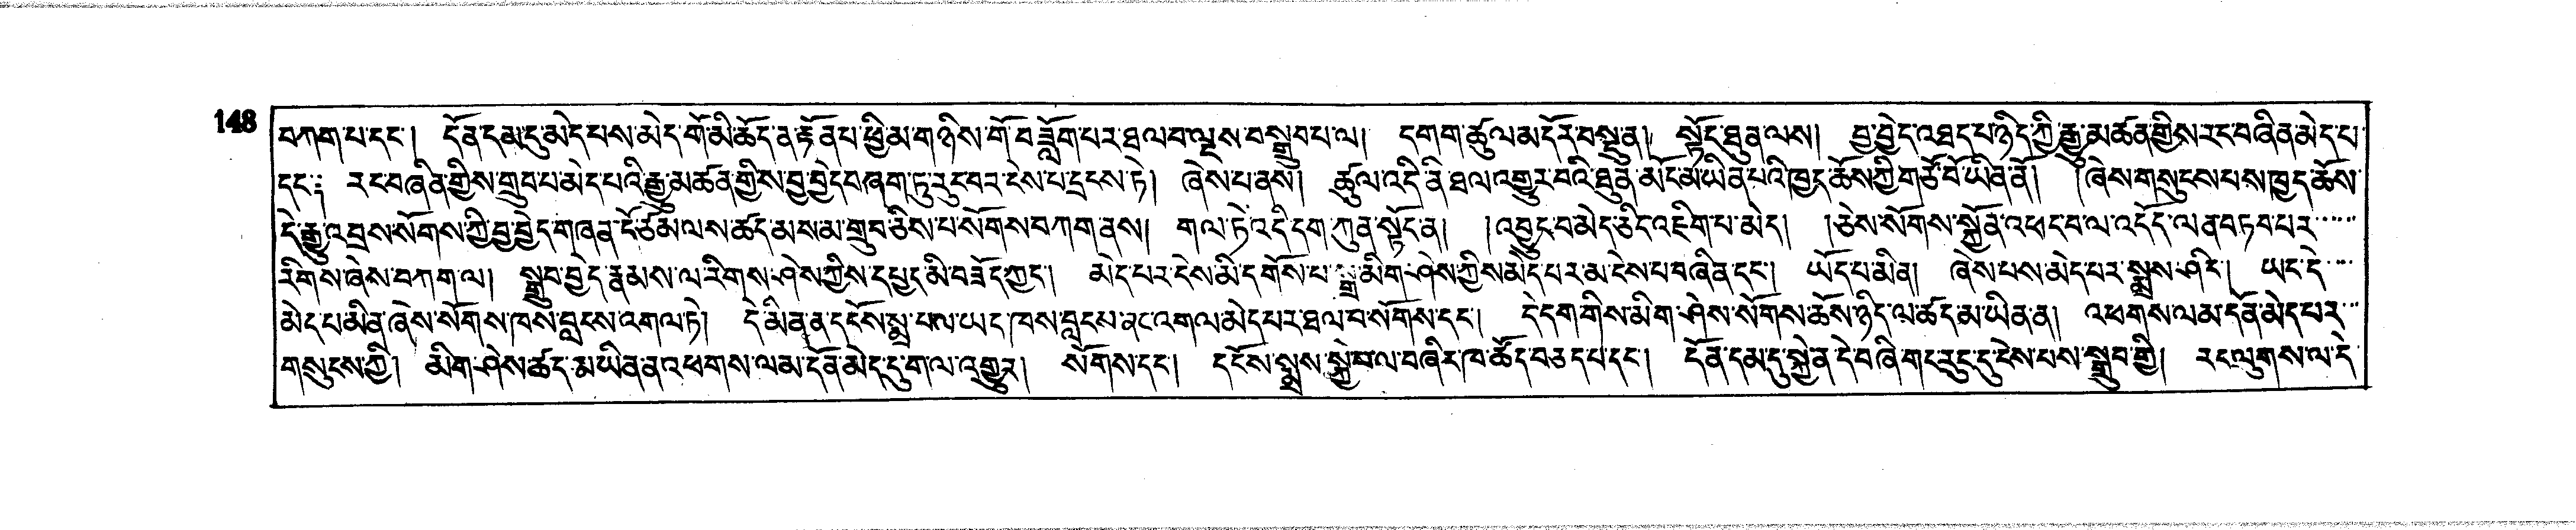བཀག་པ་དང་། དོན་དམ་དུ་མེད་པས་མེད་གོ་མི་ཆོད་ན་རྟོན་པ་ཕྱི་མ་གཉིས་གོ་བཟློག་པར་ཐལ་བ་ལྔས་བསྒྲུབ་པ་ལ། དགག་ཚུལ་མདོར་བསྡུ་ན། སྟོང་ཐུན་ལས། བྱ་བྱེད་འཐད་པ་ཉིད་ཀྱི་རྒྱུ་མཚན་གྱིས་རང་བཞིན་མེད་པ་
དང༑ རང་བཞིན་གྱིས་གྲུབ་པ་མེད་པའི་རྒྱུ་མཚན་གྱིས་བྱ་བྱེད་བཞག་ཏུ་རུང་བར་ངེས་པ་དྲངས་ཏེ། ཞེས་པ་ནས། ཚུལ་འདི་ནི་ཐལ་འགྱུར་བའི་ཐུན་མོང་མ་ཡིན་པའི་ཁྱད་ཆོས་ཀྱི་གཙོ་བོ་ཡིན་ནོ། །ཞེས་གསུངས་པས་ཁྱད་ཆོས་
དེ་རྒྱུ་འབྲས་སོགས་ཀྱི་བྱ་བྱེད་གཞན་ངོ་ཙམ་ལས་ཚད་མས་མ་གྲུབ་ཅིས་པ་སོགས་བཀག་ནས། གལ་ཏེ་འདི་དག་ཀུན་སྟོང་ན། །འབྱུང་བ་མེད་ཅིང་འཇིག་པ་མེད། །ཅེས་སོགས་སྐྱོན་འཕང་བ་ལ་འདོད་ལན་བཏབ་པར་
རིགས་ཞེས་བཀག་ལ། སྒྲུབ་བྱེད་རྣམས་ལ་རིགས་ཤེས་ཀྱིས་དཔྱད་མི་བཟོད་ཀྱང་། མེད་པར་ངེས་མི་དགོས་པ་སྒྲ་མིག་ཤེས་ཀྱིས་མེད་པར་མ་ངེས་པ་བཞིན་དང་། ཡོད་པ་མིན། ཞེས་པས་མེད་པར་སྨྲས་ཤིང་། ཡང་དེ་
མེད་པ་མིན་ཞེས་སོགས་ཁས་བླངས་འགལ་ཏེ། དེ་མིན་ན་དངོས་སྨྲ་པ་ལ་ཡང་ཁས་བླངས་ནང་འགལ་མེད་པར་ཐལ་བ་སོགས་དང་། དེ་དག་གིས་མིག་ཤེས་སོགས་ཆོས་ཉིད་ལ་ཚད་མ་ཡིན་ན། འཕགས་ལམ་དོན་མེད་པར་
གསུངས་ཀྱི། མིག་ཤེས་ཚད་མ་ཡིན་ན་འཕགས་ལམ་དོན་མེད་དུ་ག་ལ་འགྱུར། སོགས་དང་། དངོས་སྨྲས་སྐྱེ་བ་ལ་བཞིར་ཁ་ཚོད་བཅད་པ་དང་། དོན་དམ་དུ་སྐྱེ་ན་དེ་བཞི་གང་རུང་དུ་ངེས་པས་སྒྲུབ་གྱི། རང་ལུགས་ལ་དེ་